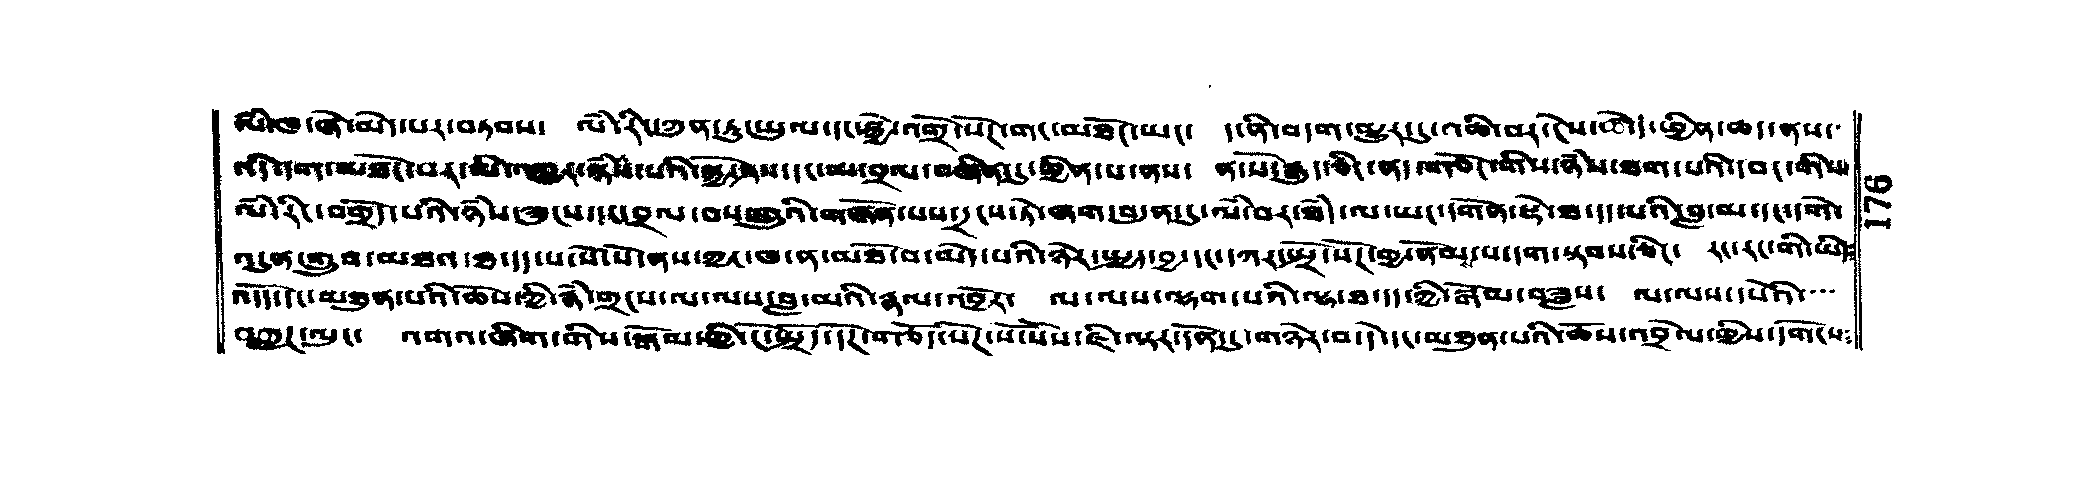ལམ་ཁ་ཞེ་མེད་པར་བཏབས། ལམ་རིང་ཀུན་ཏུ་ཡུལ་དང་སྐྱེ་འགྲོ་སོགས་གང་མཐོང་ཡང་། ད་ནི་བདག་མྱུར་དུ་འཆི་བར་ངེས་ཚེ་ད་ཕྱིན་ཆད་ནས་
འདི་དག་མཐོང་བར་མི་འགྱུར་སྙམ་པའི་སྐྱོ་ཤས་དང་མ་བྲལ་བཞིན་དུ་ཕྱིན་པ་ནས། ན་སོ་རྒུད་ཅིང་ནད་གཅོང་གིས་ཉམས་ཐག་པའི་དབང་གིས་
ལམ་རིང་བགྲོད་པའི་ཉམས་ཟུངས་དང་བྲལ་བས་གྲུའི་གཞོན་པས་དྲངས་ཏེ་ཞག་བདུན་དུ་ལམ་བར་ཐམས་ཅད་ལ་ཡང་དགོན་སྡེ་ཐ་དད་པའི་བླ་མ་དང་དགེ་
འདུན་གྲུབ་མཐའ་ཐ་དད་པ་སོ་སོ་ནས་ཀྱང་ཁ་ན་མ་ཐོ་བ་མེད་པའི་ཉེར་སྤྱད་ཇ་དང་དཀར་སྤྲོ་སོགས་གྱ་ནོམ་པ་དག་སྟབས་ཅིང་། རང་རང་གི་ཡིད་
འདོད་དང་མཐུན་པའི་ཆོས་ཀྱི་རྣམ་གྲངས། ལ་ལས་བླ་མའི་རྣལ་འབྱོར། ལ་ལས་ལྷག་པའི་ལྷ་ཐ་དད་ཀྱི་སྒོམ་བཟླས། ལ་ལས་དཔེའི་
བཀླགས་ལུང་། འགའ་ཞིག་གིས་སྒོམ་གྱི་ངོ་སྤྲོད་དོགས་གཅོད་སོགས་སོ་སོས་ཇི་ལྟར་དོན་དུ་གཉེར་བ་དེ་དང་མཐུན་པའི་ཆོས་འབྲེལ་གྱིས་དགོངས་